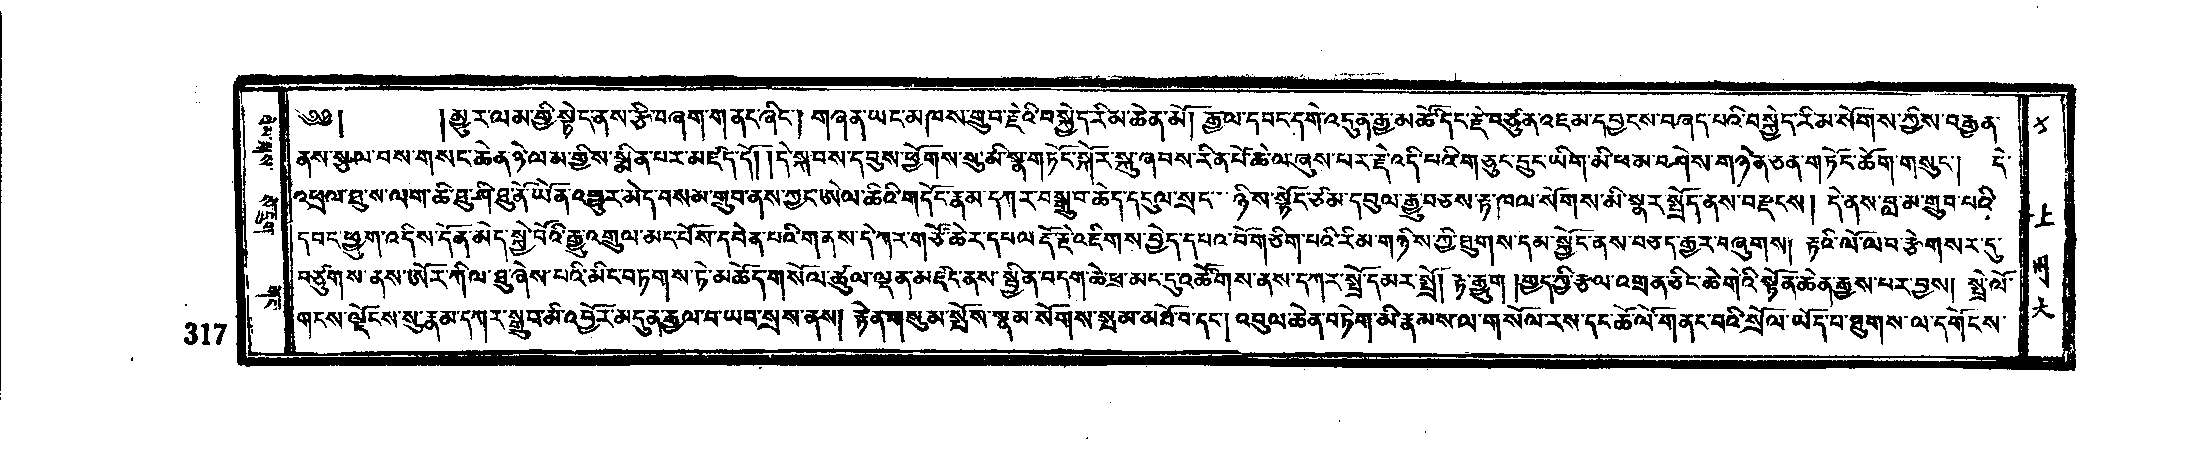༄༅། །མྱུར་ལམ་གྱི་སྟེང་ནས་རྩི་བཞག་གནང་ཞིང་། གཞན་ཡང་མཁས་གྲུབ་རྗེའི་བསྐྱེད་རིམ་ཆེན་མོ། རྒྱལ་དབང་དགེ་འདུན་རྒྱ་མཚོ་དང་རྗེ་བཙུན་འཇམ་དབྱངས་བཞད་པའི་བསྐྱེད་རིམ་སོགས་ཀྱིས་བརྒྱན་
ནས་སྩལ་བས་གསང་ཆེན་ཉེ་ལམ་གྱིས་སྨིན་པར་མཛད་དོ། །དེ་སྐབས་དབུས་ཕྱོགས་སུ་མི་སྣ་གཏོང་སྐོར་སྐུ་ཞབས་རིན་པོ་ཆེ་ལ་ཞུས་པར་རྗེ་འདི་པའི་གཅུང་དྲུང་ཡིག་མི་ཕམ་བཤེས་གཉེན་ཅན་གཏོང་ཆོག་གསུང་། དེ་
འཕྲལ་ཐུ་ས་ལག་ཆི་ཐུ་ཤི་ཐུ་ནོ་ཡོན་འགྱུར་མེད་བསམ་གྲུབ་ནས་ཀྱང་ཨེལ་ཆིའི་གདོང་རྣམ་དཀར་བསྒྲུབ་ཆེད་དངུལ་སྲང་ཉིས་སྟོང་ཙམ་དབུལ་རྒྱུ་བཅས་རྟ་ཁལ་སོགས་མི་སྣར་སྤྲོད་ནས་བརྫངས། དེ་ནས་བླ་མ་གྲུབ་པའི་
དབང་ཕྱུག་འདིས་དོན་མེད་སྐྱེ་བོའི་རྒྱུ་འགྲུལ་མང་པོས་དབེན་པའི་གནས་དེ་ཀར་གཙོ་ཆེར་དཔལ་རྡོ་རྗེ་འཇིགས་བྱེད་དཔའ་བོ་གཅིག་པའི་རིམ་གཉིས་ཀྱི་ཐུགས་དམ་སྐྱོང་ནས་བཅད་རྒྱར་བཞུགས། རྟའི་ལོ་ལབ་རྩེ་གསར་དུ་
བཙུགས་ནས་ཨོར་ཀིལ་ཐུ་ཞེས་པའི་མིང་བཏགས་ཏེ་མཆོད་གསོལ་ཚུལ་ལྡན་མཛད་ནས་སྦྱིན་བདག་ཆེ་ཕྲ་མང་དུ་འཚོགས་ནས་དཀར་སྤྲོ་དམར་སྤྲོ། རྟ་རྒྱུག །གྱད་ཀྱི་རྩལ་འགྲན་ཅིང་ཆེ་གེའི་སྟོན་ཆེན་རྒྱས་པར་བྱས། སྤྲེ་ལོ་
གངས་ལྗོངས་སུ་རྣམ་དཀར་སྒྲུབ་མི་འབྱོར་མདུན་རྒྱལ་བ་ཡབ་སྲས་ནས། རྟེན་གསུམ་སྤོས་སྣམ་སོགས་སྤམ་མཐོ་བ་དང་། འབུལ་ཆེན་བཏེག་མི་རྣམས་ལ་གསོལ་རས་དང་ཆོ་ལོ་གནང་བའི་སྲོལ་ཡོད་པ་ཐུགས་ལ་དགོངས་